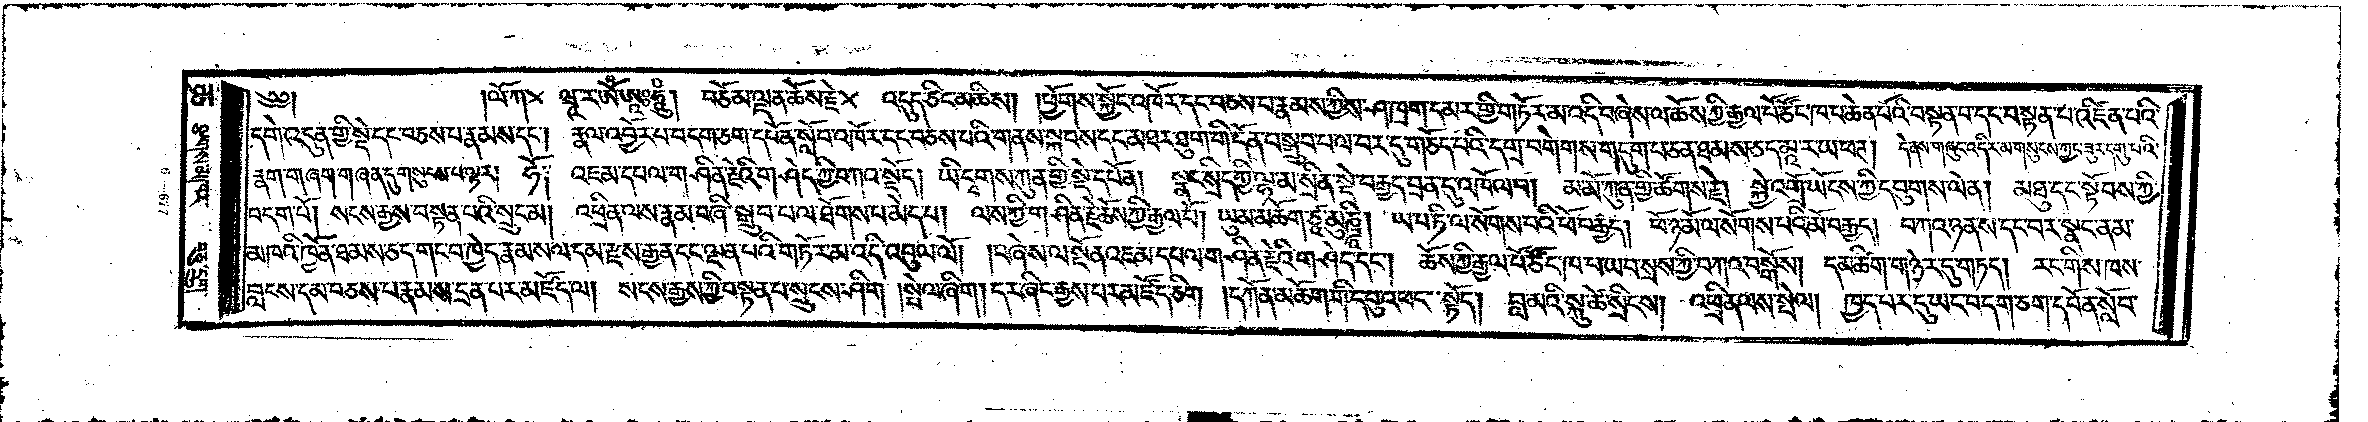༄༅། །ལོ་ཀ་྾་ཝཱ་ར་ཨོཾ་ཨཱཿ ཧཱུཾ། བཅོམ་ལྡན་ཆོས་རྗེ་྾་འདུད་ཅིང་མཆིས། །ཕྱོགས་སྐྱོང་འཁོར་དང་བཅས་པ་རྣམས་ཀྱིས་ཤ་ཁྲག་དམར་གྱི་གཏོར་མ་འདི་བཞེས་ལ་ཆོས་ཀྱི་རྒྱལ་པོ་ཙོང་ཁ་པ་ཆེན་པོའི་བསྟན་པ་དང་བསྟན་པ་འཛིན་པའི་
དགེ་འདུན་གྱི་སྡེ་དང་བཅས་པ་རྣམས་དང་། རྣལ་འབྱོར་པ་བདག་ཅག་དཔོན་སློབ་འཁོར་དང་བཅས་པའི་གནས་སྐབས་དང་མཐར་ཐུག་གི་དོན་བསྒྲུབ་པ་ལ་བར་དུ་གཅོད་པའི་དགྲ་བགེགས་གདུག་པ་ཅན་ཐམས་ཅད་མཱ་ར་ཡ་ཕཊ། དེ་ནས་གཞུང་འདིར་མ་གསུངས་ཀྱང་ཟུར་དགུ་པའི་
ནག་གཞག་གཞན་དུ་གསུངས་པ་ལྟར། ཧོ༑ འཇམ་དཔལ་གཤིན་རྗེའི་གཤེད་ཀྱི་དཀའ་སྟོད། ཡི་དྭགས་ཀུན་གྱི་སྡེད་དཔོན། སྣང་སྲིད་ཀྱི་ལྷ་མ་སྲིད་སྡེ་བརྒྱད་བྲན་དུ་འཁོལ་བ། མ་མོ་ཀུན་གྱི་ཚོགས་རྗེ། །སྐྱེ་འགྲོ་ཡོངས་ཀྱི་དབུགས་ལེན། །མཐུ་དང་སྟོབས་ཀྱི་
བདག་པོ། སངས་རྒྱས་བསྟན་པའི་སྲུང་མ། འཕྲིན་ལས་རྣམ་བཞི་སྒྲུབ་པ་ལ་ཐོགས་པ་མེད་པ། ལས་ཀྱི་གཤིན་རྗེ་ཆོས་ཀྱི་རྒྱལ་པོ། ཡུམ་མཆོག་ཙཱ་མུཎྜཱི། ཡ་པ་ཏི་ལ་སོགས་པའི་ཕོ་བརྒྱད། ཕོ་ཉ་མོ་ལ་སོགས་པའི་མོ་བརྒྱད། བཀའ་ཉན་ས་དང་བར་སྣང་ནམ་
མཁའི་ཁྱོན་ཐམས་ཅད་གང་བ་ཁྱེད་རྣམས་ལ་དམ་རྫས་རྒྱན་དང་ལྡན་པའི་གཏོར་མ་འདི་འབུལ་ལོ། །བཞེས་ལ་སྔོན་འཇམ་དཔལ་གཤིན་རྗེའི་གཤད་དང་། ཆོ་ཀྱི་རྒྱལ་པོ་རྩོང་ཁ་པ་ཡབ་སྲས་ཀྱི་བཀའ་བསྒོས། །དམ་ཚིག་གཉེར་དུ་གཏད། རང་གིས་ཁས་
བླངས་དམ་བཅས་པ་རྣམས་དྲན་པར་མཛོད་ལ། སངས་རྒྱས་ཀྱི་བསྟན་པ་སྲུངས་ཤིག །སྤེལ་ཞིག །དགར་ཞིང་རྒྱས་པར་མཛོད་ཅིང་།དཀོན་མཆོག་གི་དབུ་འཕང་སྟོད། །བླ་མའི་སྐུ་ཚེ་སྲིངས། འཕྲིན་ལས་སྤེལ། ཁྱད་པར་དུ་ཡང་བདག་ཅག་དཔོན་སློབ་